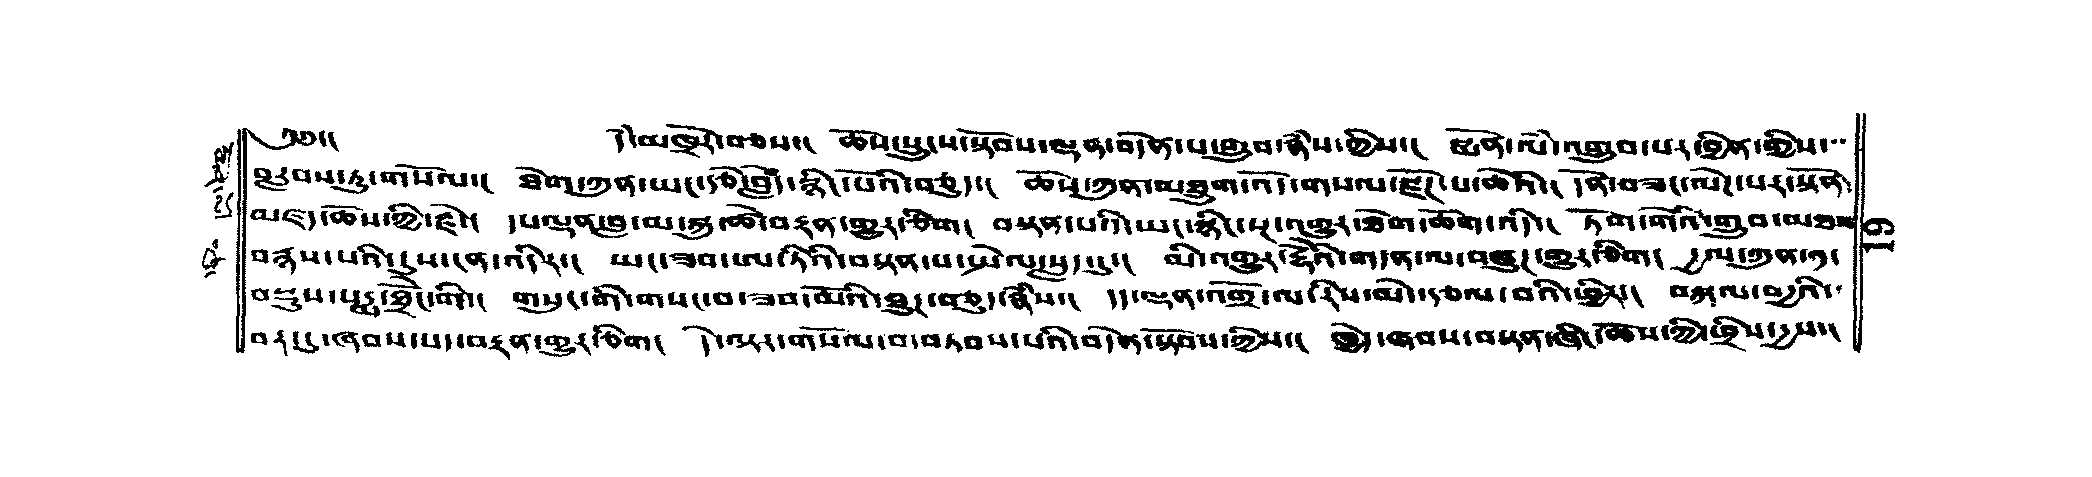དམ་མཁའ་འགྲོར་བཅས། །ཆོས་སྲུང་སྟོབས་ལྡན་བདེན་པ་གྲུབ་རྣམས་ཀྱིས། །སྨོན་ལམ་འགྲུབ་པར་བྱིན་གྱིས་
བརླབ་ཏུ་གསོལ། །ཐེག་ཀུན་ཡང་རྩེ་བླ་མེད་སྙིང་པོའི་བཅུད། །ཆོས་ཀུན་མཐར་ཐུག་འོད་གསལ་རྫོགས་པ་ཆེའི། །དོན་བཟང་ལེགས་པར་སྟོན་
མཛད་ཆོས་ཀྱི་རྗེ། །དཔལ་ལྡན་བླ་མ་སྐུ་ཚེ་བརྟན་གྱུར་ཅིག །བསྟན་པའི་ཡང་སྙིང་སྔ་འགྱུར་ཐེག་མཆོག་འདི། །རྟོག་གེའི་གྲུབ་མཐས་
བརྙས་པའི་དུས་ངན་འདིར། །ཡང་ཟབ་ཨ་ཏིའི་བསྟན་པ་སྤེལ་སླད་དུ། །མི་འགྱུར་རྡོ་རྗེའི་གདན་ལ་བཞུགས་གྱུར་ཅིག །རྒྱལ་ཀུན་གཅིག་
བསྡུས་པདྨ་ཐོད་ཕྲེང་གི །གསུང་གི་གསང་བ་ཟབ་མོའི་ཐུགས་བཅུད་རྣམས། །དད་ལྡན་འགྲོ་ལ་རིས་མེད་རྩོལ་བའི་ཕྱིར། །བསྐལ་བརྒྱའི་
བར་དུ་ཞབས་པད་བརྟན་གྱུར་ཅིག །དེ་ལྟར་གསོལ་བ་བཏབས་པའི་བདེན་སྟོབས་ཀྱིས། །ཁྱེད་ཞབས་བསྟན་ཞིང་ཆོས་ཀྱི་ཕྲིན་ལས་རྒྱས།